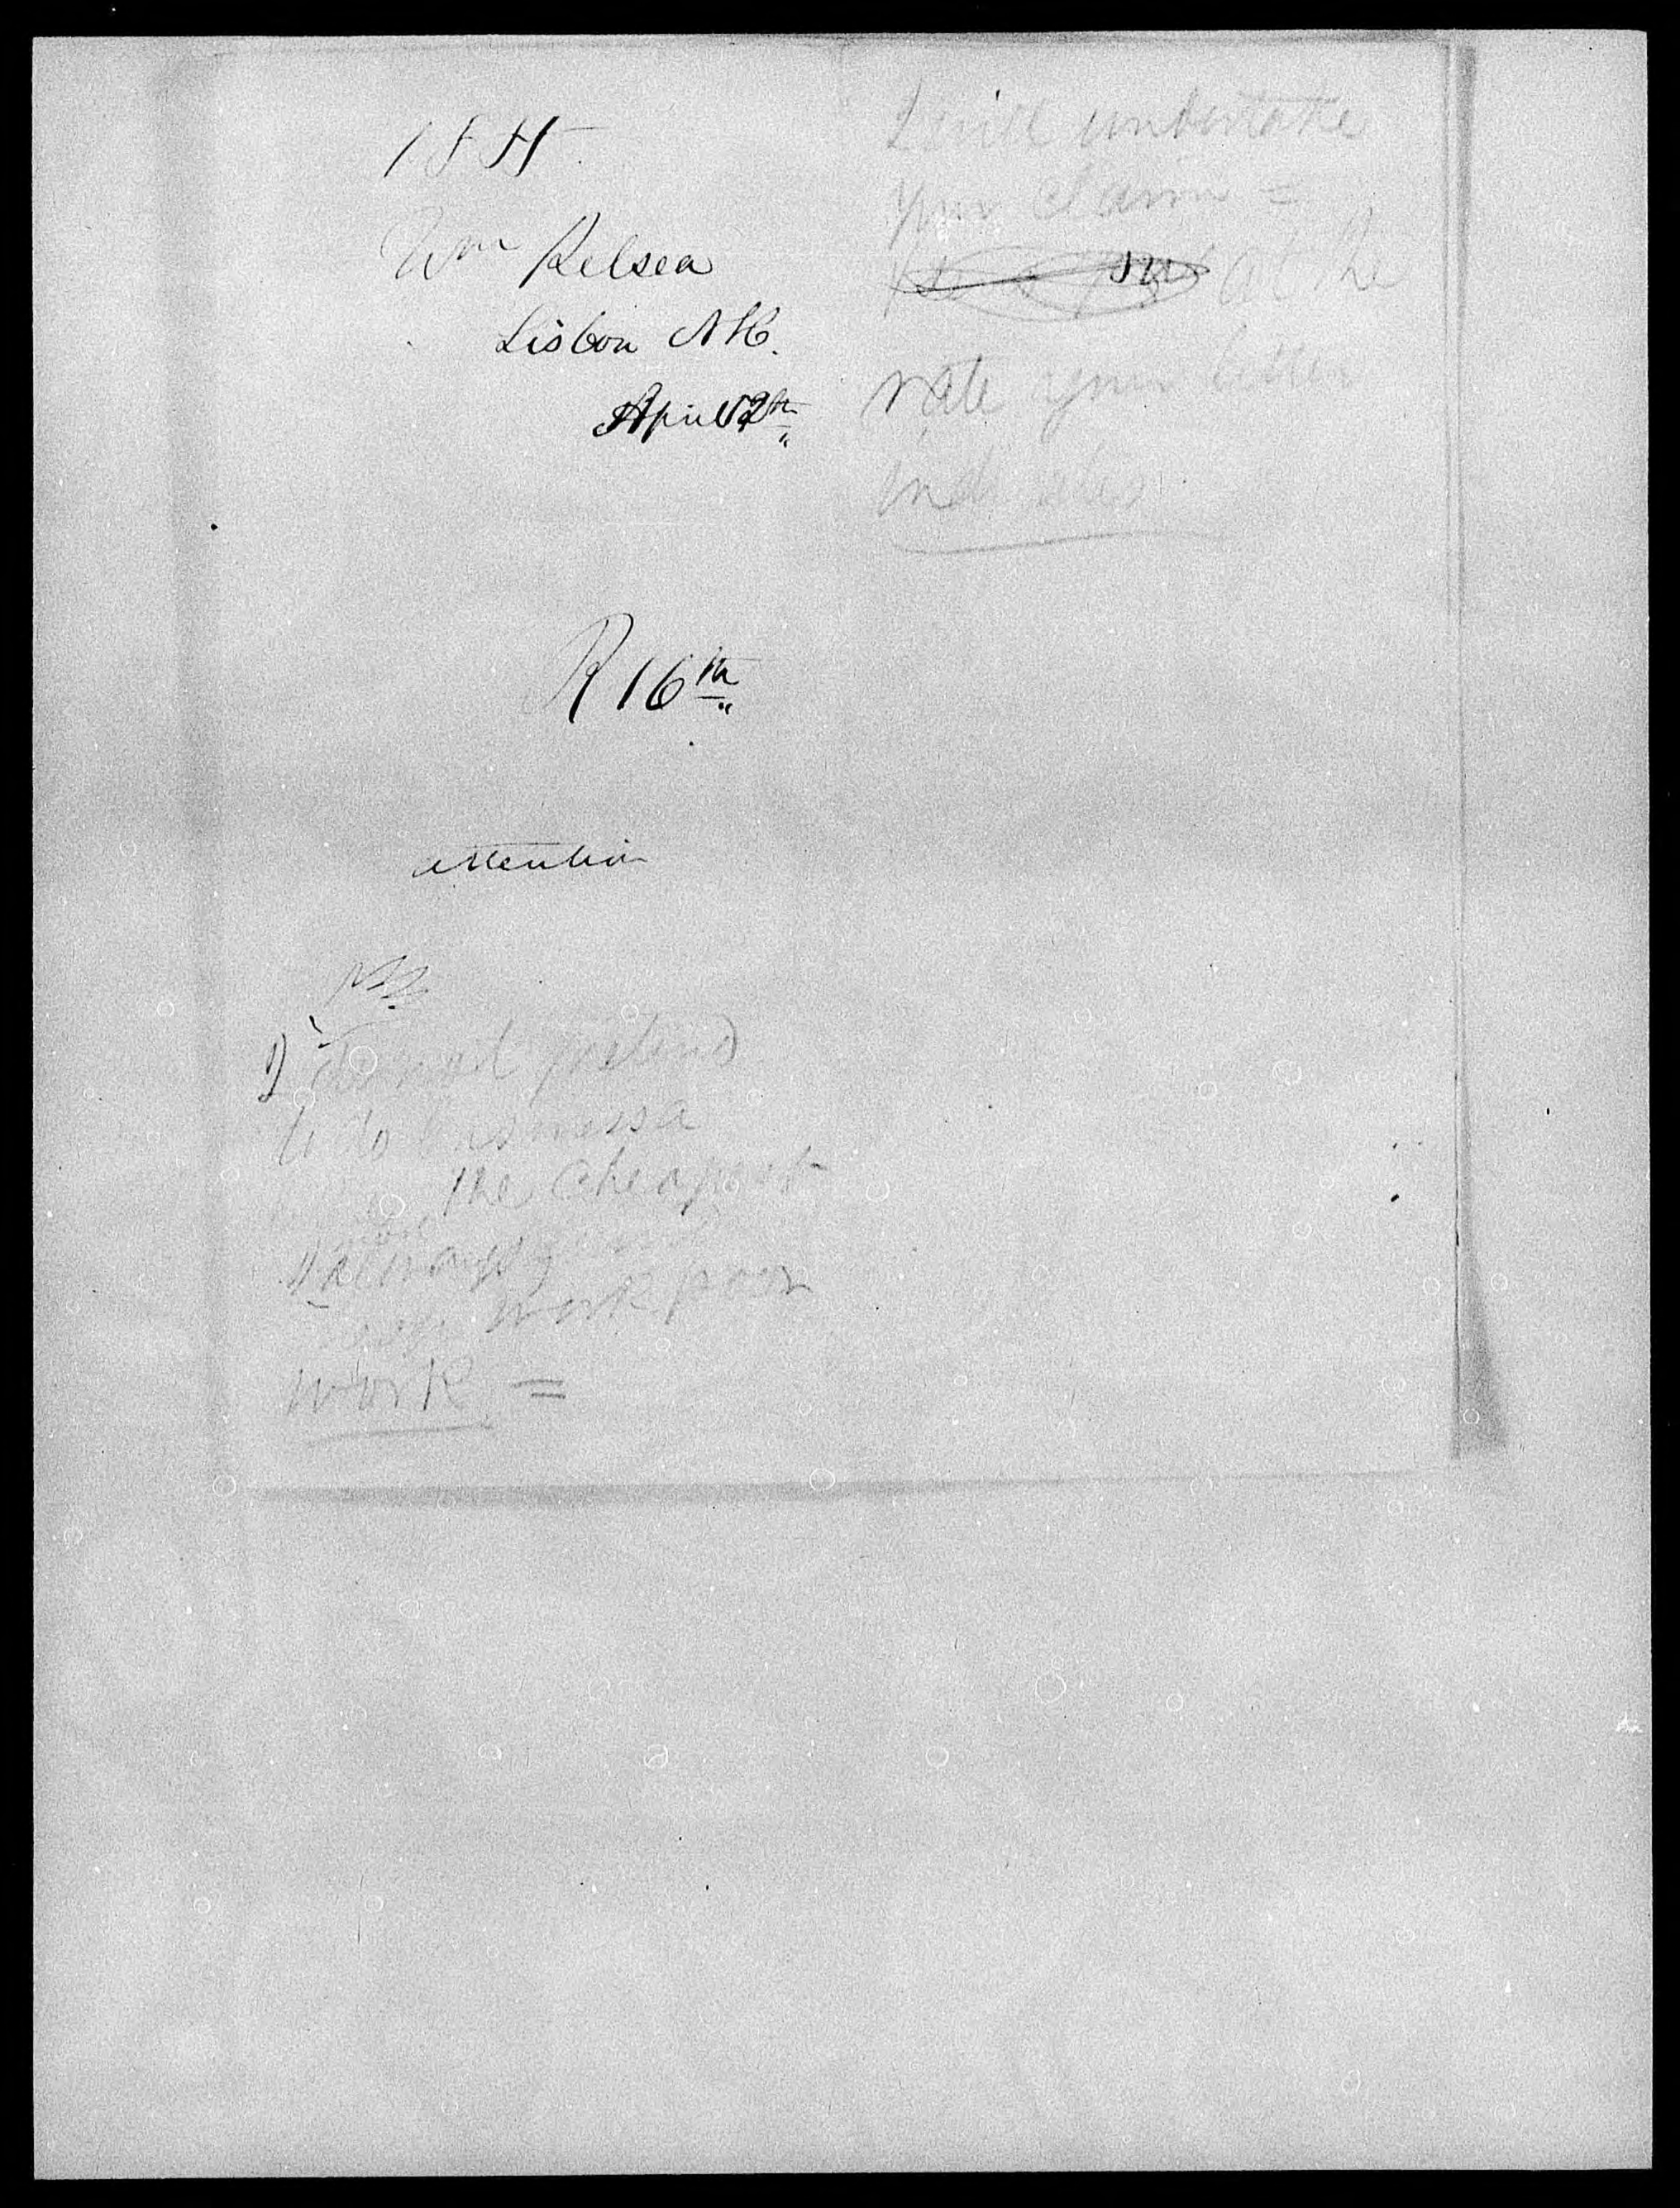[left side]
18H
Wm Kelsea Lisbon N H. April 12th
R 16th
attention

2 Do not pretend to do business the cheapest 
work poor work =

[right side]
I will undertake your claim = at the rate your letter indicates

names: Wm Kelsea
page: 9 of 14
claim: rejected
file: R 5922, for Jonathan Kimball, New Hampshire